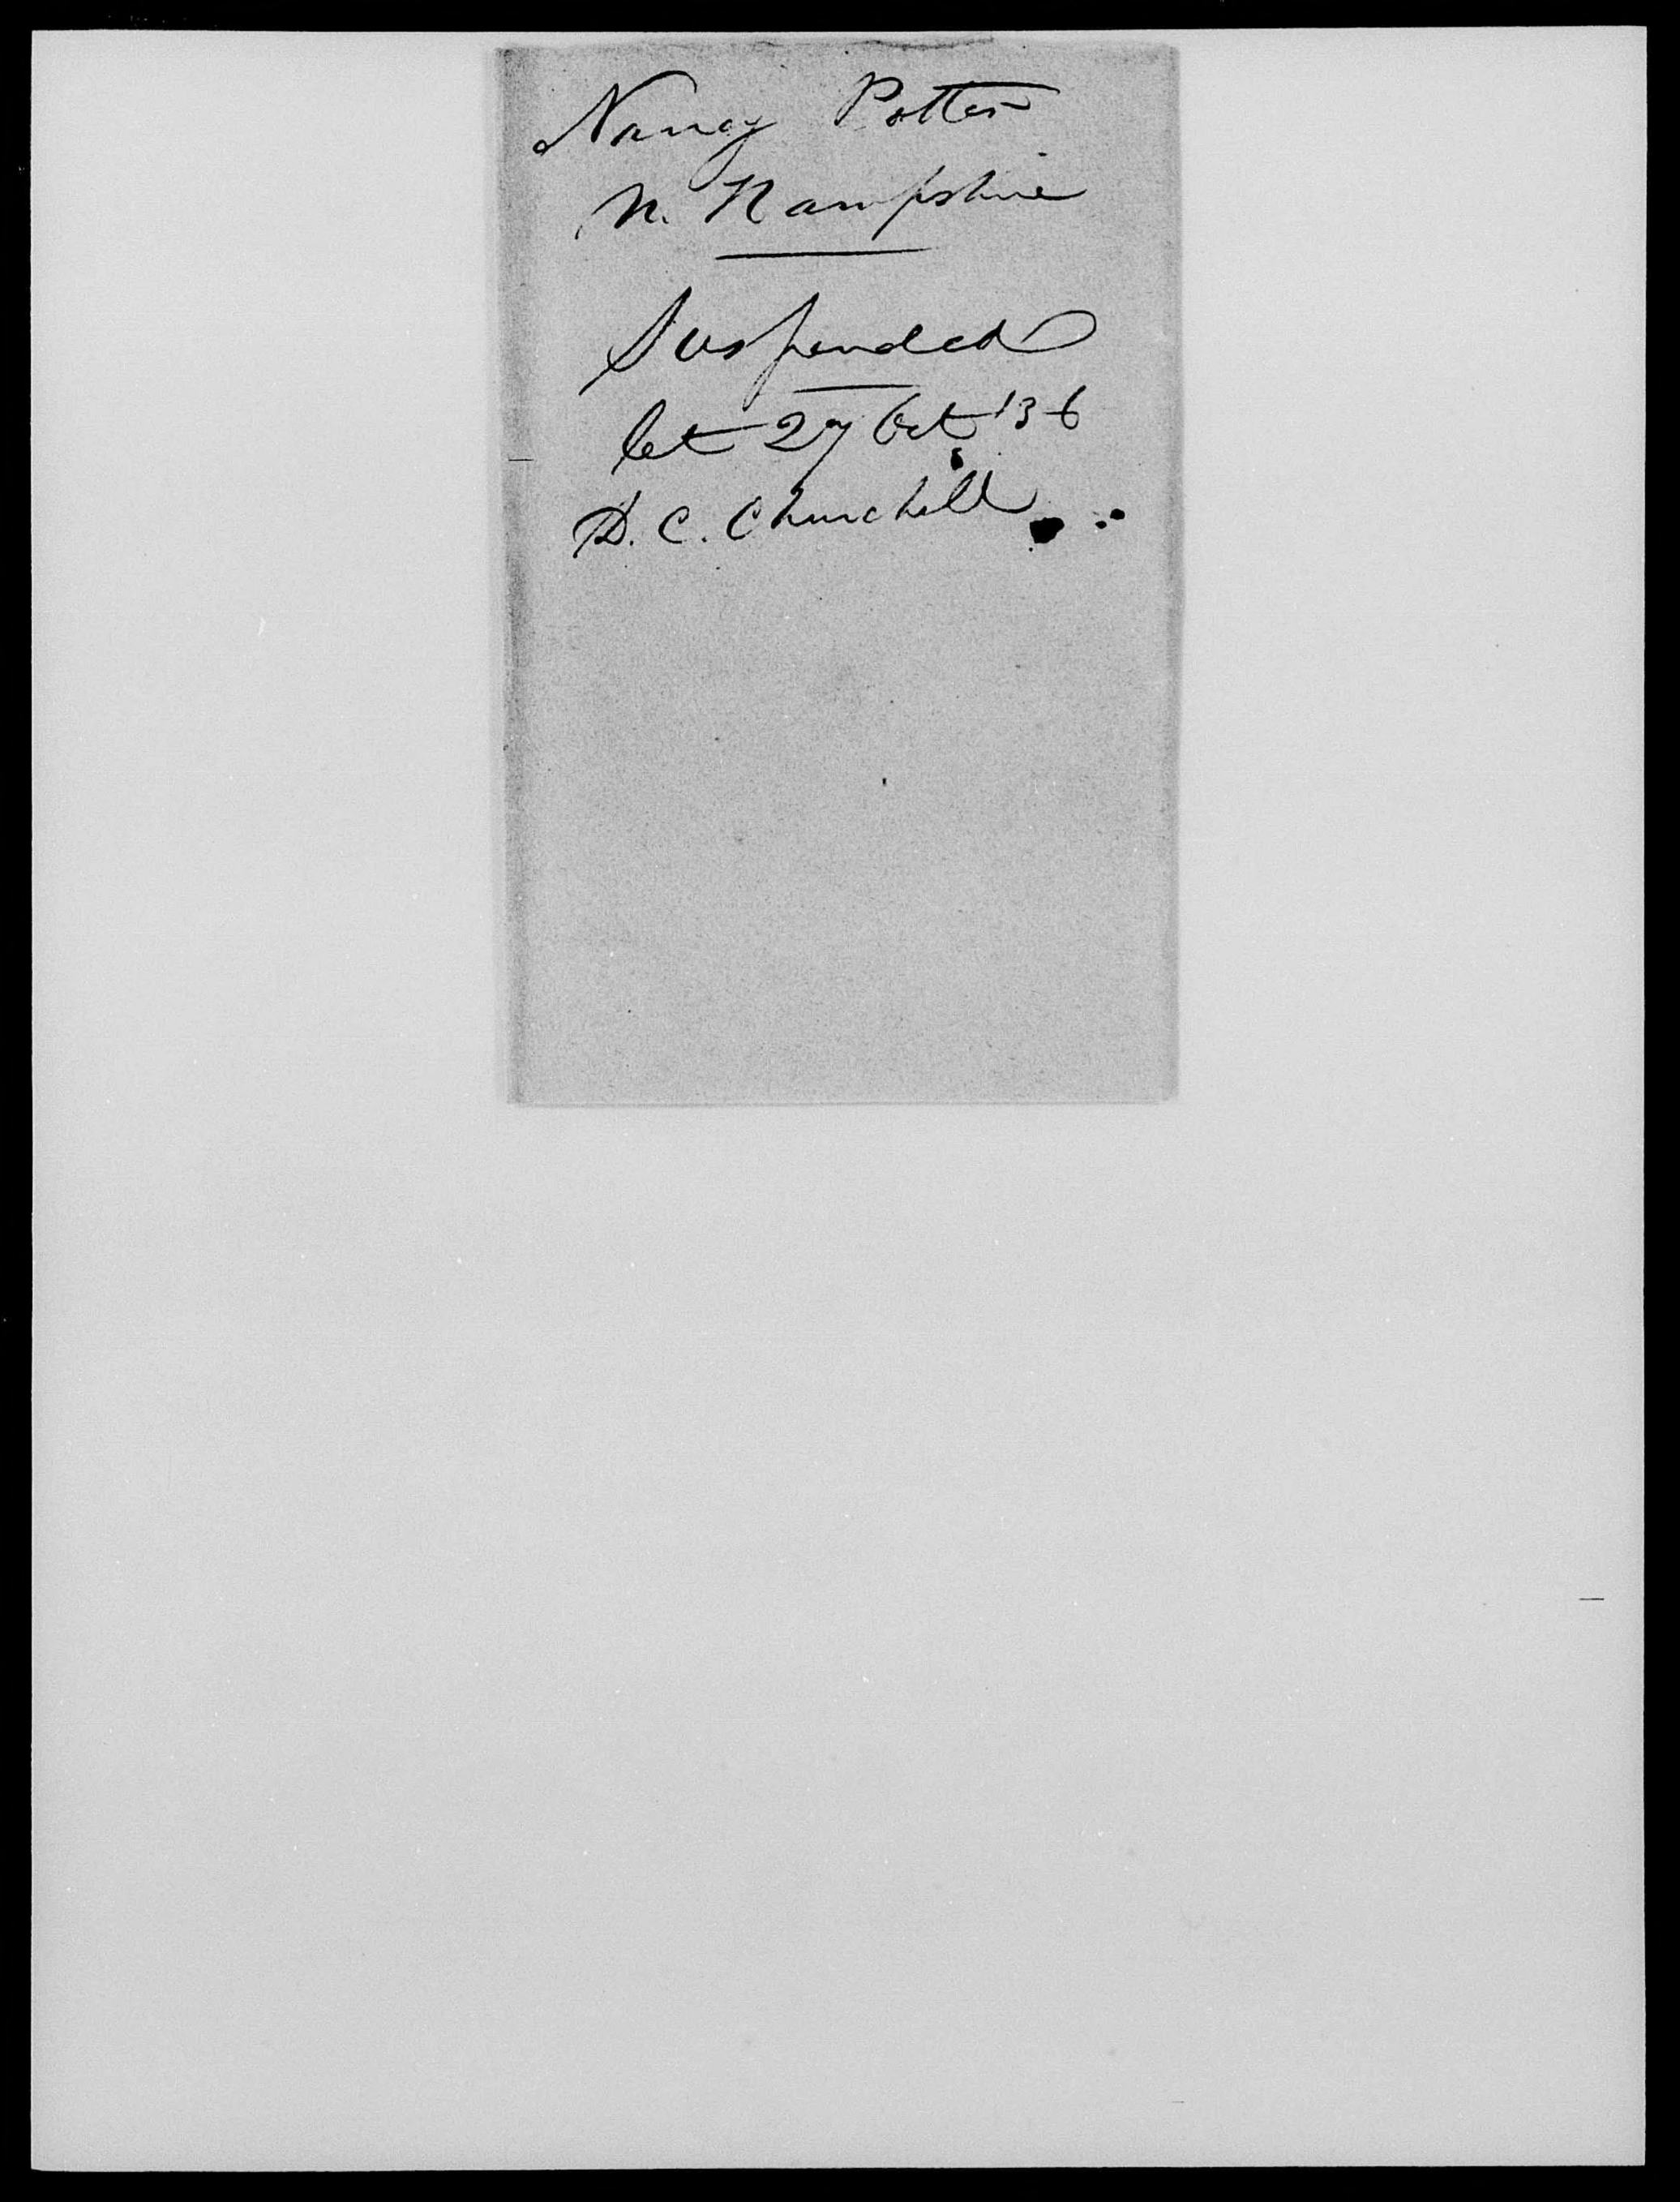Nancy Potter
N. Hampshire
---------
Suspended
let 27  [illegible] 36
D.C. Churchill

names: D C Churchill; Nancy Potter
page: 17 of 40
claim: widow's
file: W. 16058, for George Potter, Rhode Island